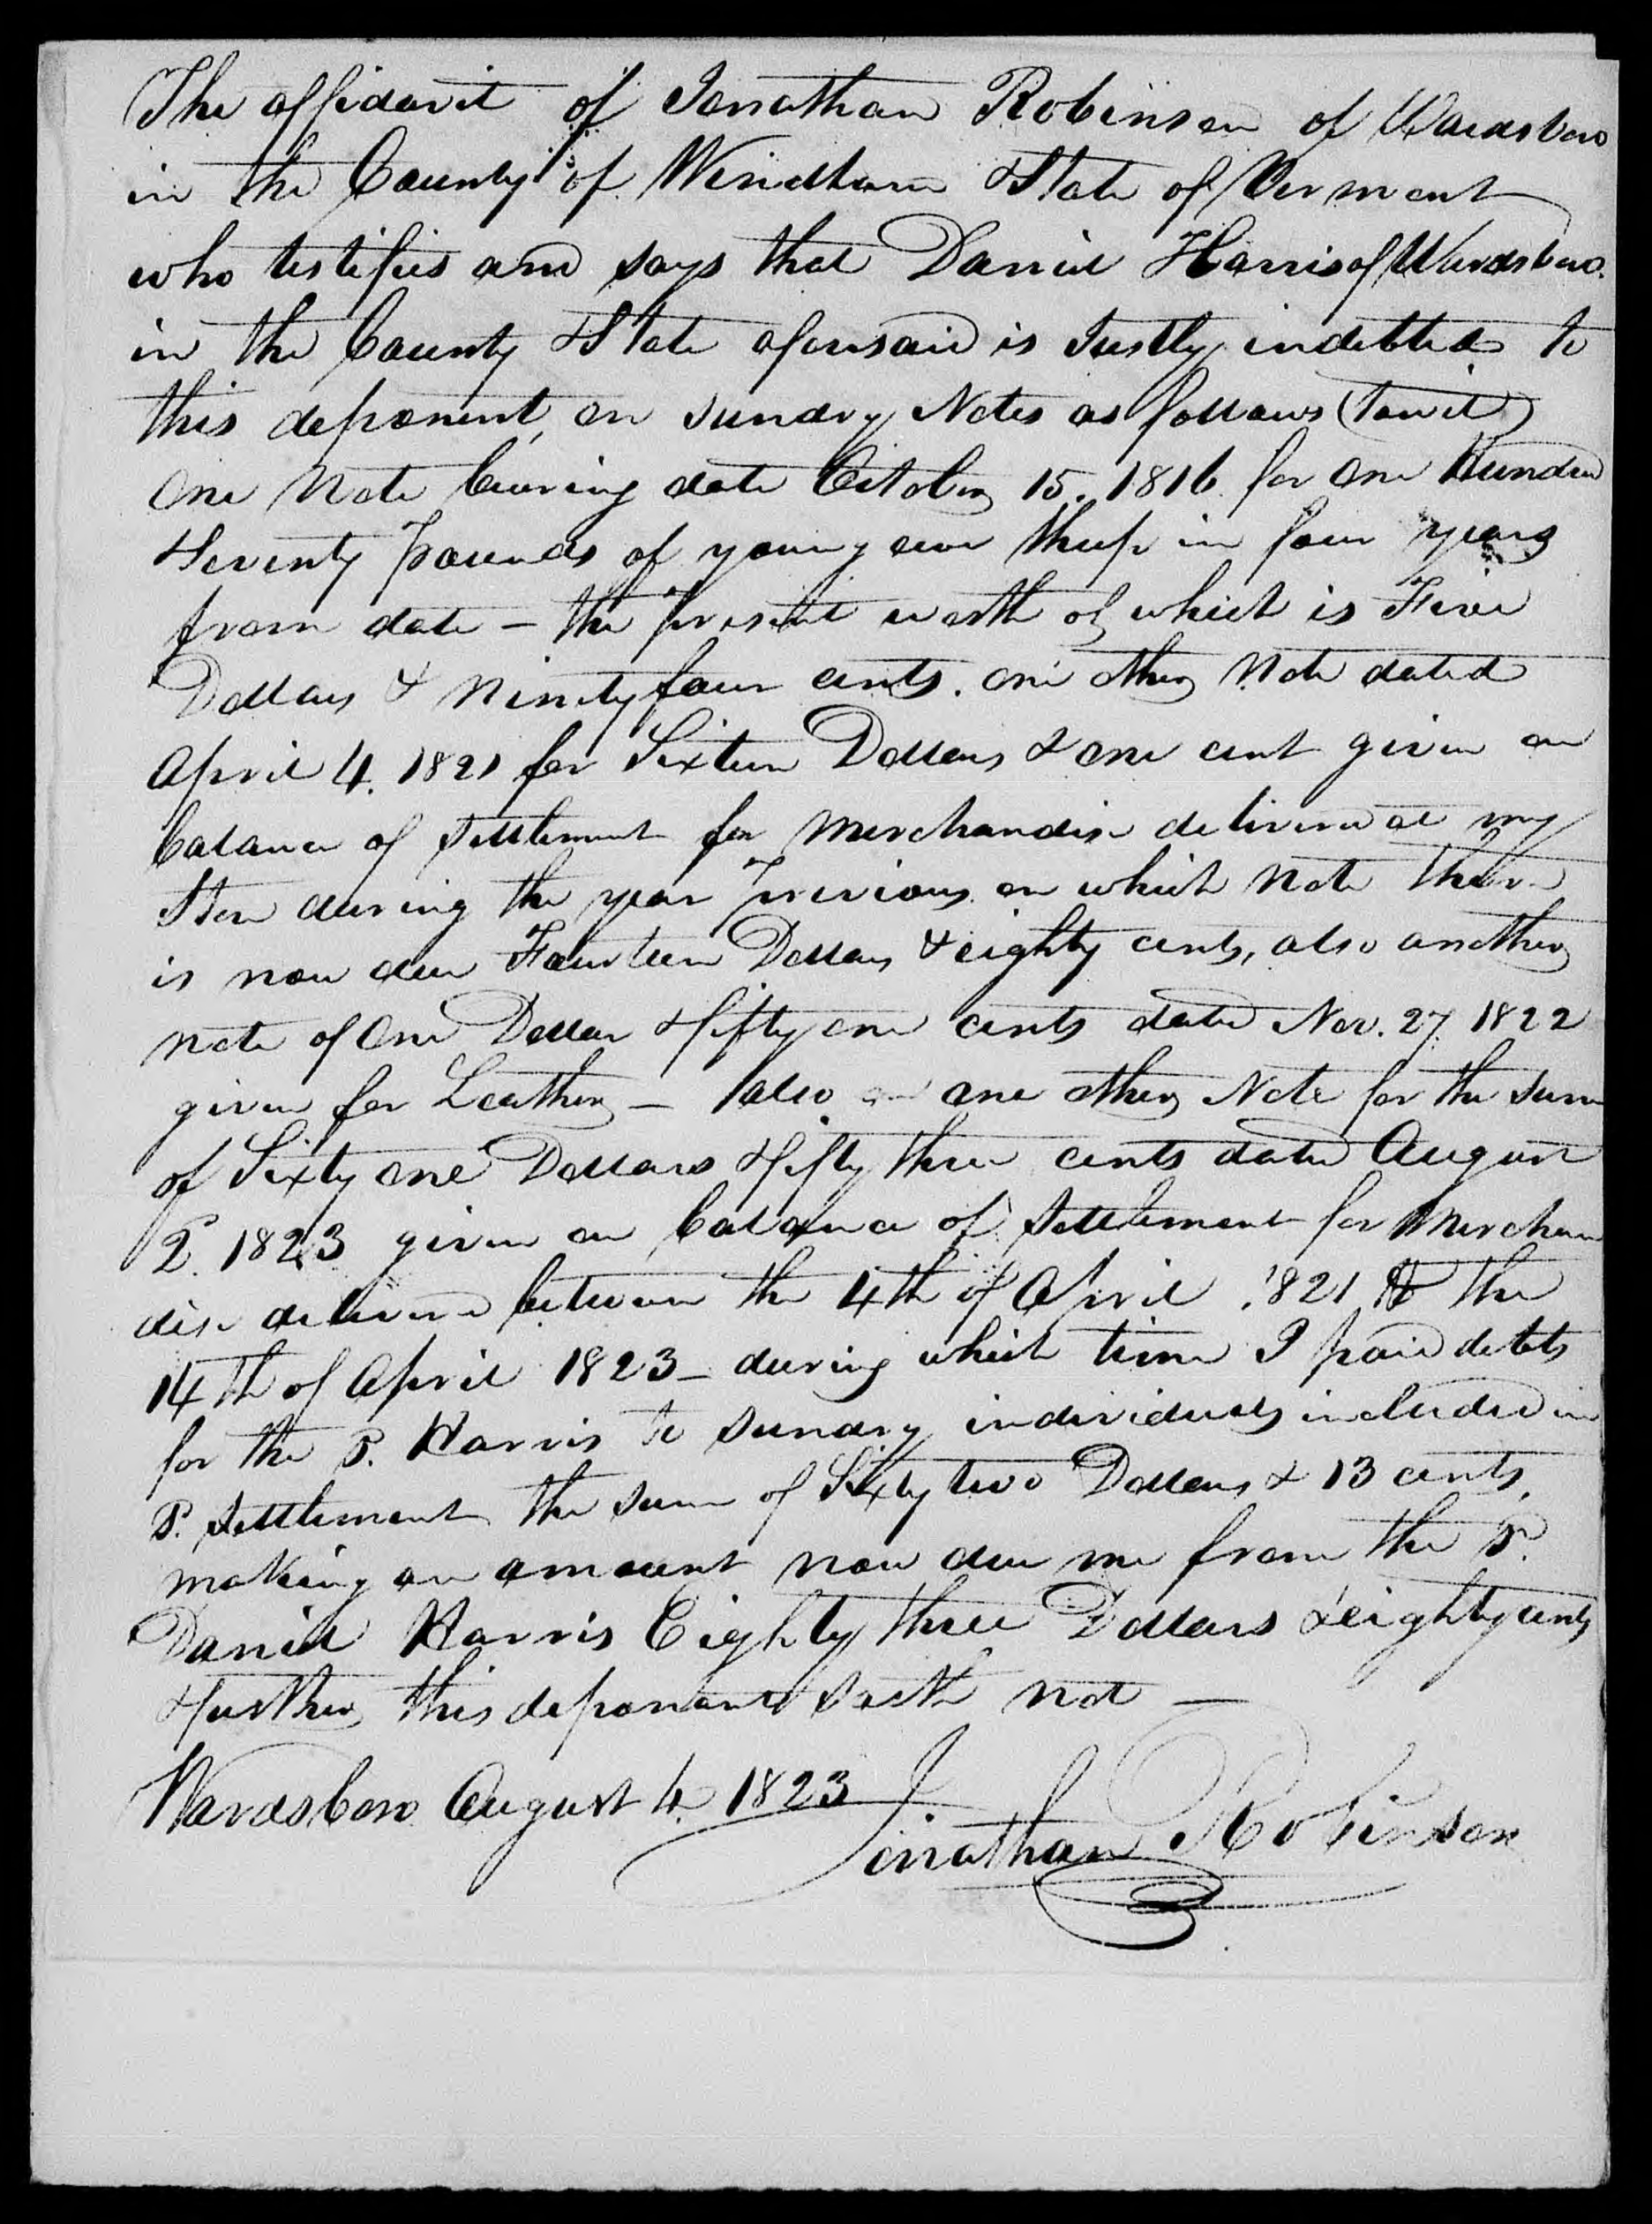The affidavit of Johathan Robinson of Wardsboro in the County of Windham & State of Vermont who testifies and says that Daniel Harris of Wardsboro in the County & State aforesaid is justly indebted to this deponant on Sundry Notes as follows (illegible) One note bearing date October 15, 1816 for One Hundred Seventy Pounds of young ewe sheep in four years the present worth of which is Five dollars and ninety four cents and other note dated April 4 1821 for Sixteen Dollars and one cent given as balance of settlement for merchandise at my store during the year previous on which note there is now due Fourteen Dollars & eighty cents. Also another note of One Dollar & fifty one cents dated Nov. 27 1822 given for leather--also one other note for the sum of Sixty one Dollars fifty three cents dated August 2 1823 given on balance of settlement for merchandise delivered between the 4th of April 1821 & the 14th of April 1823--during which time I paid debts for the said Harris to sundry individuals included in said settlement the sum of Sixty two dollars and 13 cents making an amount now due me from the said Daniel Harris Eighty three Dollars & eighty cents. Further this deponant is with not--
Wardsboro August 4 1823
    Johathan Robinson (signature)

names: Harris, Jonathan Robinson, Daniel Harris, Daniel Harris, Jonathan Robinson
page: 58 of 68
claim: survivor's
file: S. 29,877, Daniel Harris, Mass.